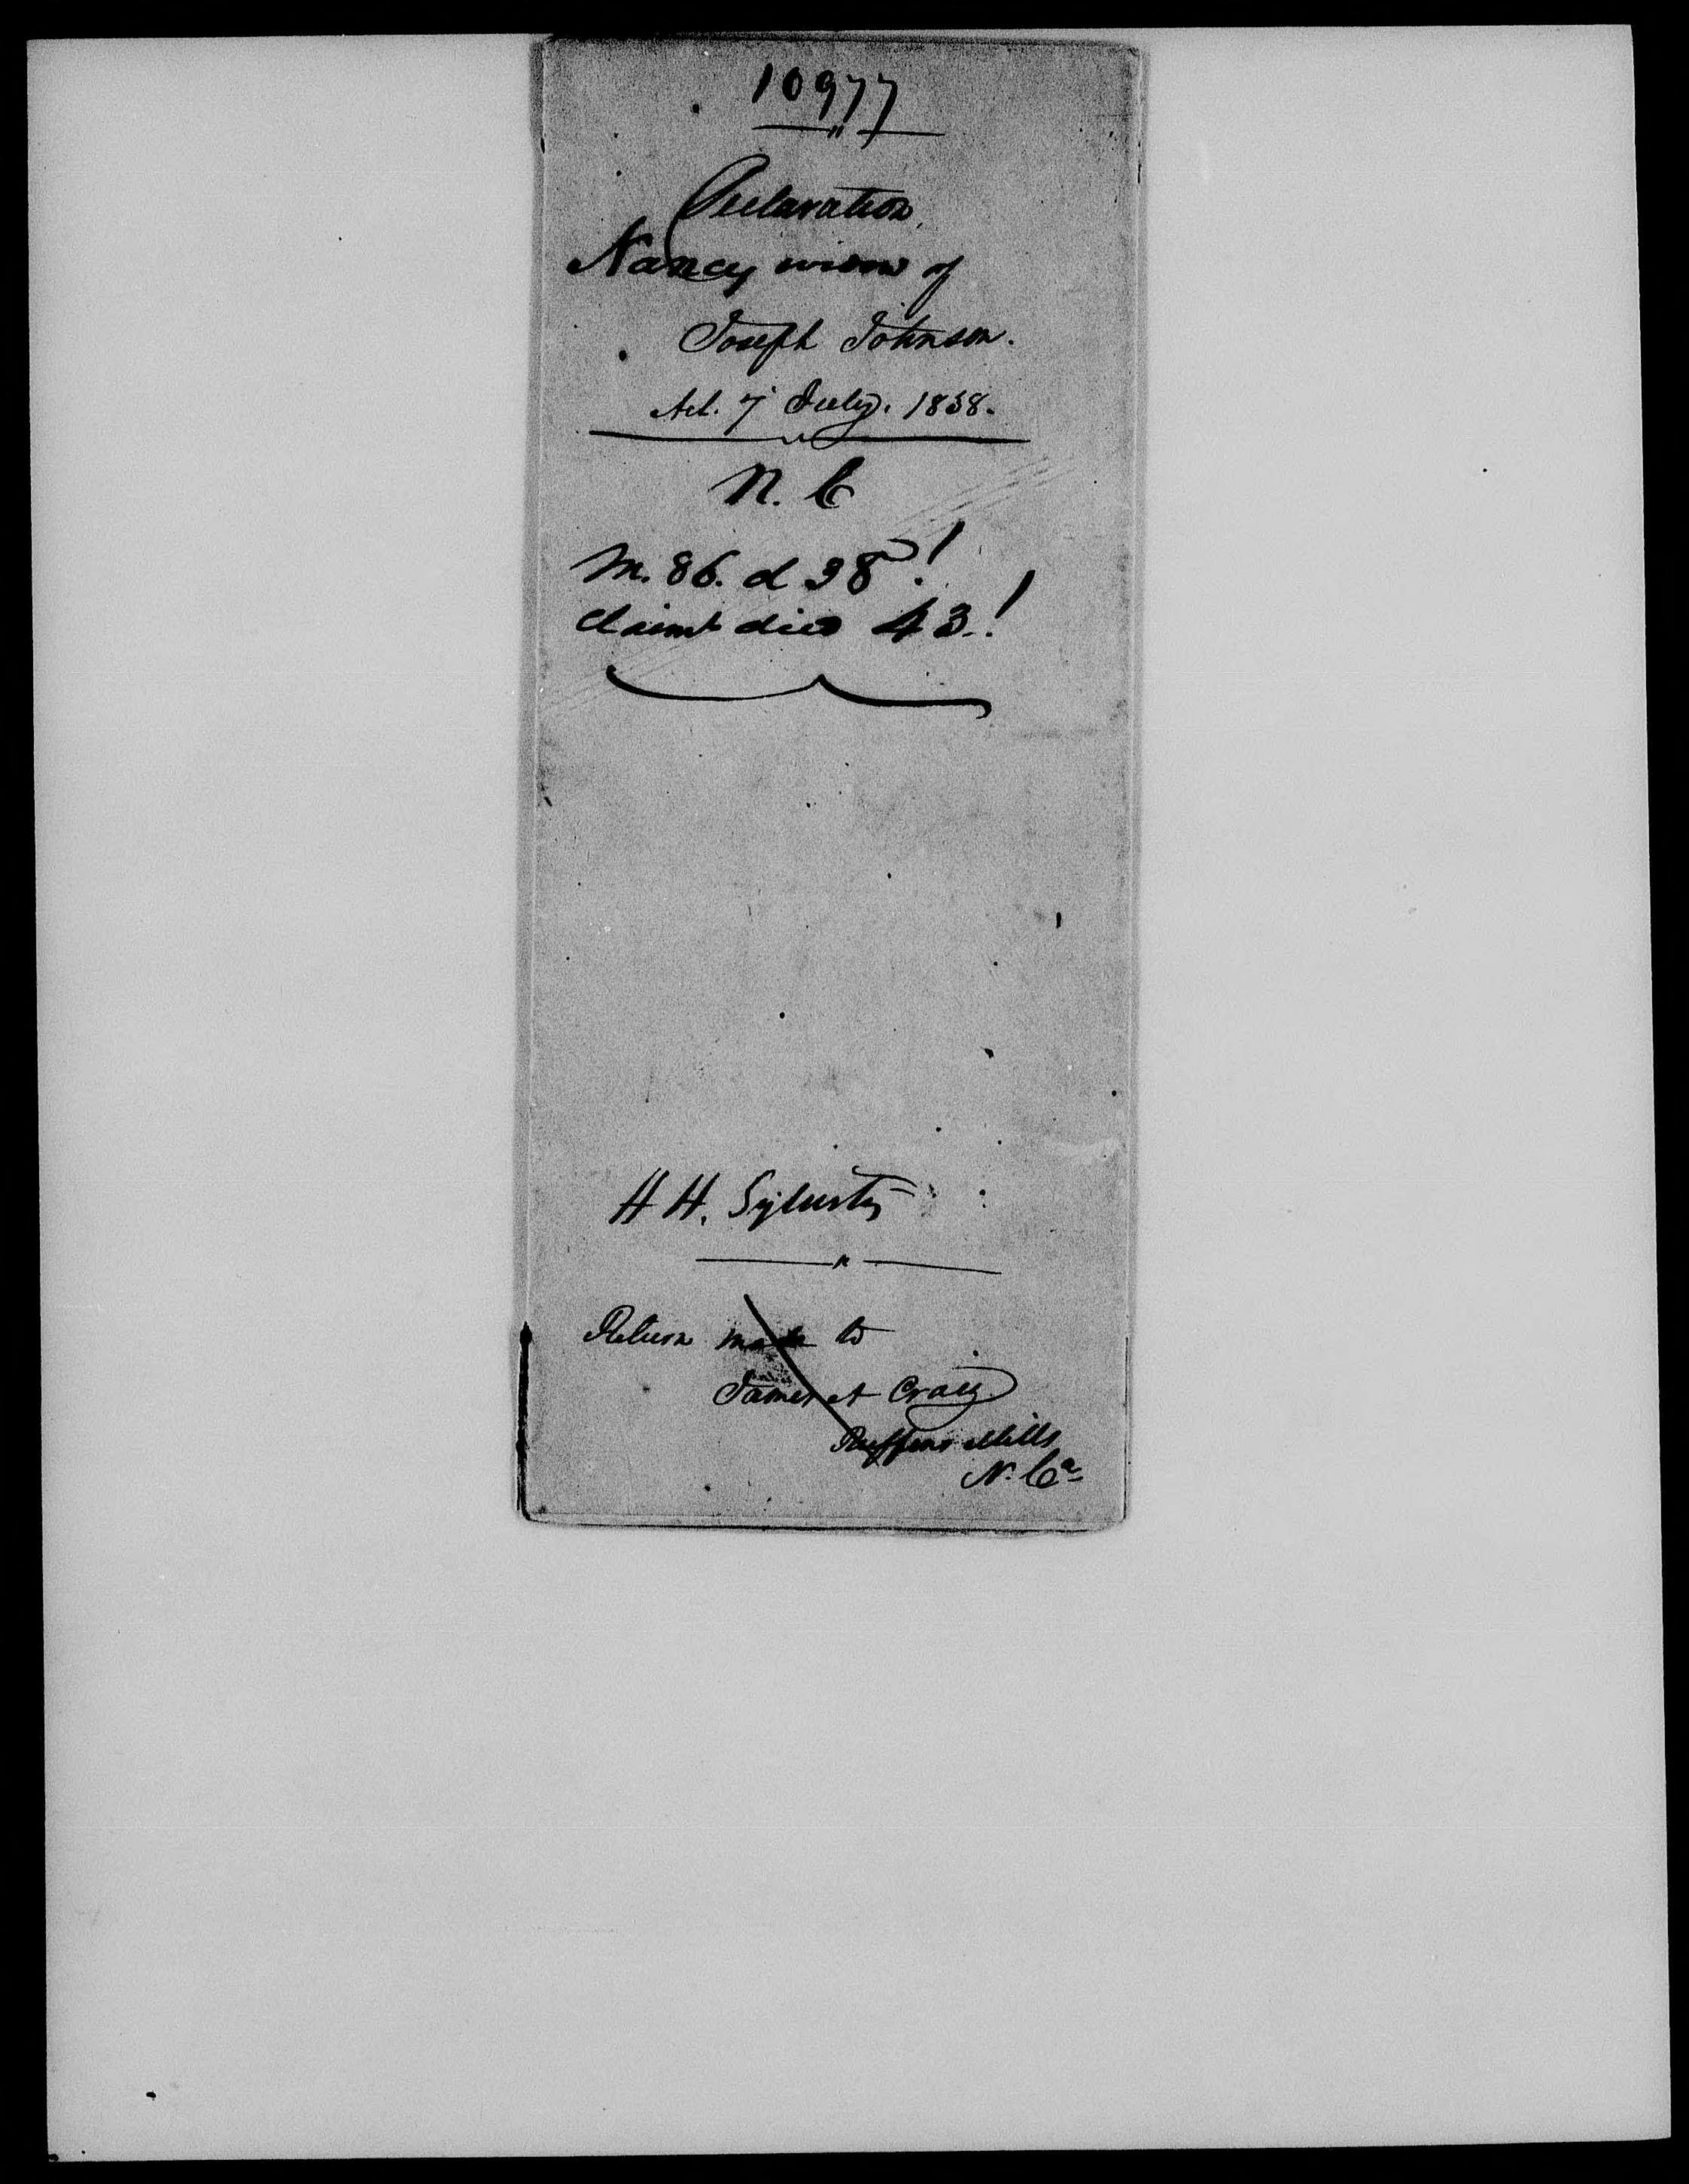10977

Declaration
Nancy widow of Joseph Johnson 
Act 7 July 1838 N. C 

M. 86. d. 38!
claimant died 43! 

H. H. Sylvester 

[line through - Return made to James at Craig 
Ruffins Mills N. C.]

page: 4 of 41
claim: widow's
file: W. 5033, for Joseph Johnston, North Carolina